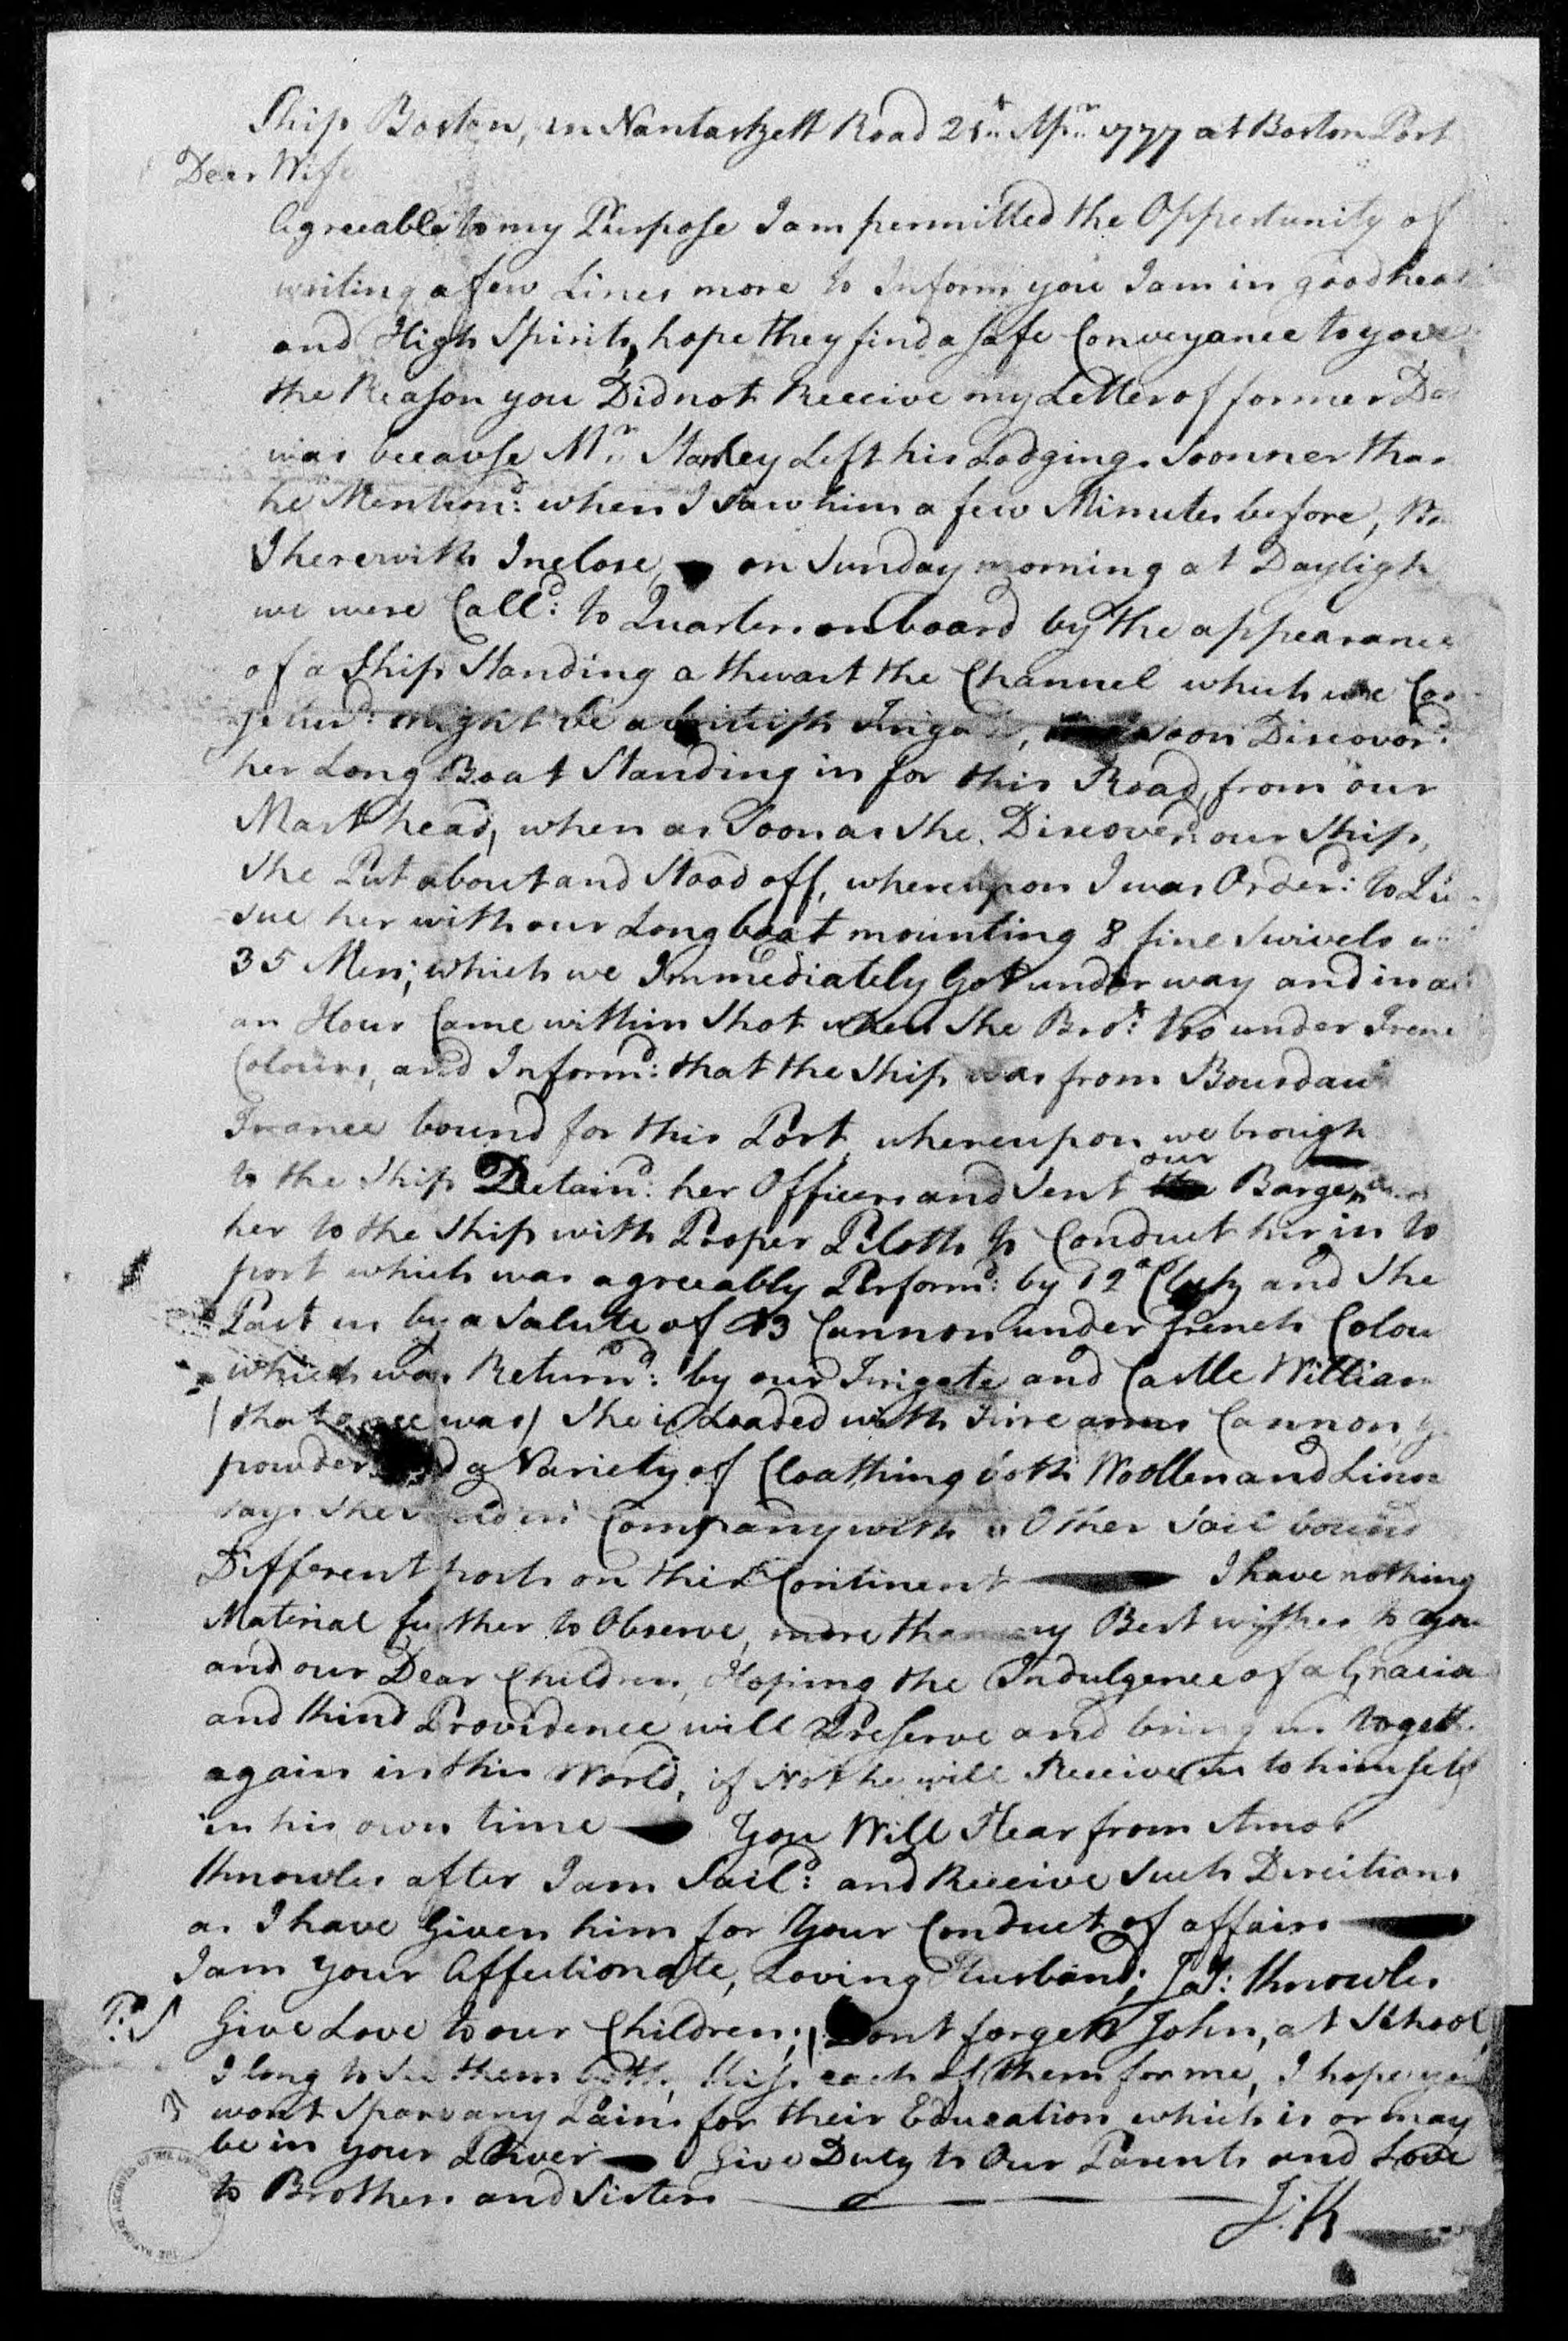Ship Boston, in Nantaskett Road 21st Apr 1777 at Boston Port 
Dear Wife
Agreeable to my Purpose I am permitted the Opportunity of writing a few Lines more to Inform you I am in good health and High Spirits, hope they find a Safe Conveyance to you. The Reason you Did not Receive my Letters of former ay was because Mr Starkey Left his Lodging Soonner than he Mention'd when I Saw him a few Minutes before,(illegible word)I herewith Inclose, on Sunday morning at Daylight we were Calle'd to Quarter on board by the appearance of a Ship Handing athwart the Channel which (illegible word) soon Discover'd her Long Boat Standing in for this Road from out Masthead, when as Soon as She, Discover'd our Ship, She Put about and Stood off whereupon I was Order'd to Issue her with our Long boat mounting & fire, Swivels in 35 Min; which we Immediately Got underway and in an Hour Came within Shot when T Bost'n tro under Irene Coloring, and Inform'd that the Ship was from Bourdau France bound for this Port whereupon we brough to the Ship Detain'd her Officers and Sent our Barges (illegible word) her to the Ship with Proper Ploth & Conduct her in to port which was agreeably Perform'd by 12 o'Clock and She Past us by a Salute of 13 Cannon under french colour which was Return'd by our Frigate and Castle William that to see was, She is Loaded with (illegible word) Cannon (illegible word) powder (blot) Ninety of Cloathing both Woolen and Linen says she (illegible word) in Company with & Other Sail (illegible word)
Different ports on this Continent -- I have nothing Material further to Observe, more than my Best wishes to you and our Dear Children.  Hoping the Indulgence of a (illegible word) and kind Providence will preserve and bring us together again in this World, if Not he will Receive us to himself in his own time--You Will Hear from Amos Knowles  after I am Sail'd and Receive Such Direction, as I have Given him for Your Conduct of affairs--I am your Affectionate, Loving Husband;  Jas: Knowles. Give Love to our  Children; I Dont forget John, at School. I long to See them both, Kiss each of them for me, I hope you wont Spare any Pains for their Education which is or may be in you (illegible word) --give Duty to Our Parents and Love to Brothers and Sisters-- J. K---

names: [BLANK] Starkey; John [BLANK]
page: 24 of 60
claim: widow's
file: W. 14,036, for James Knowles, Connecticut